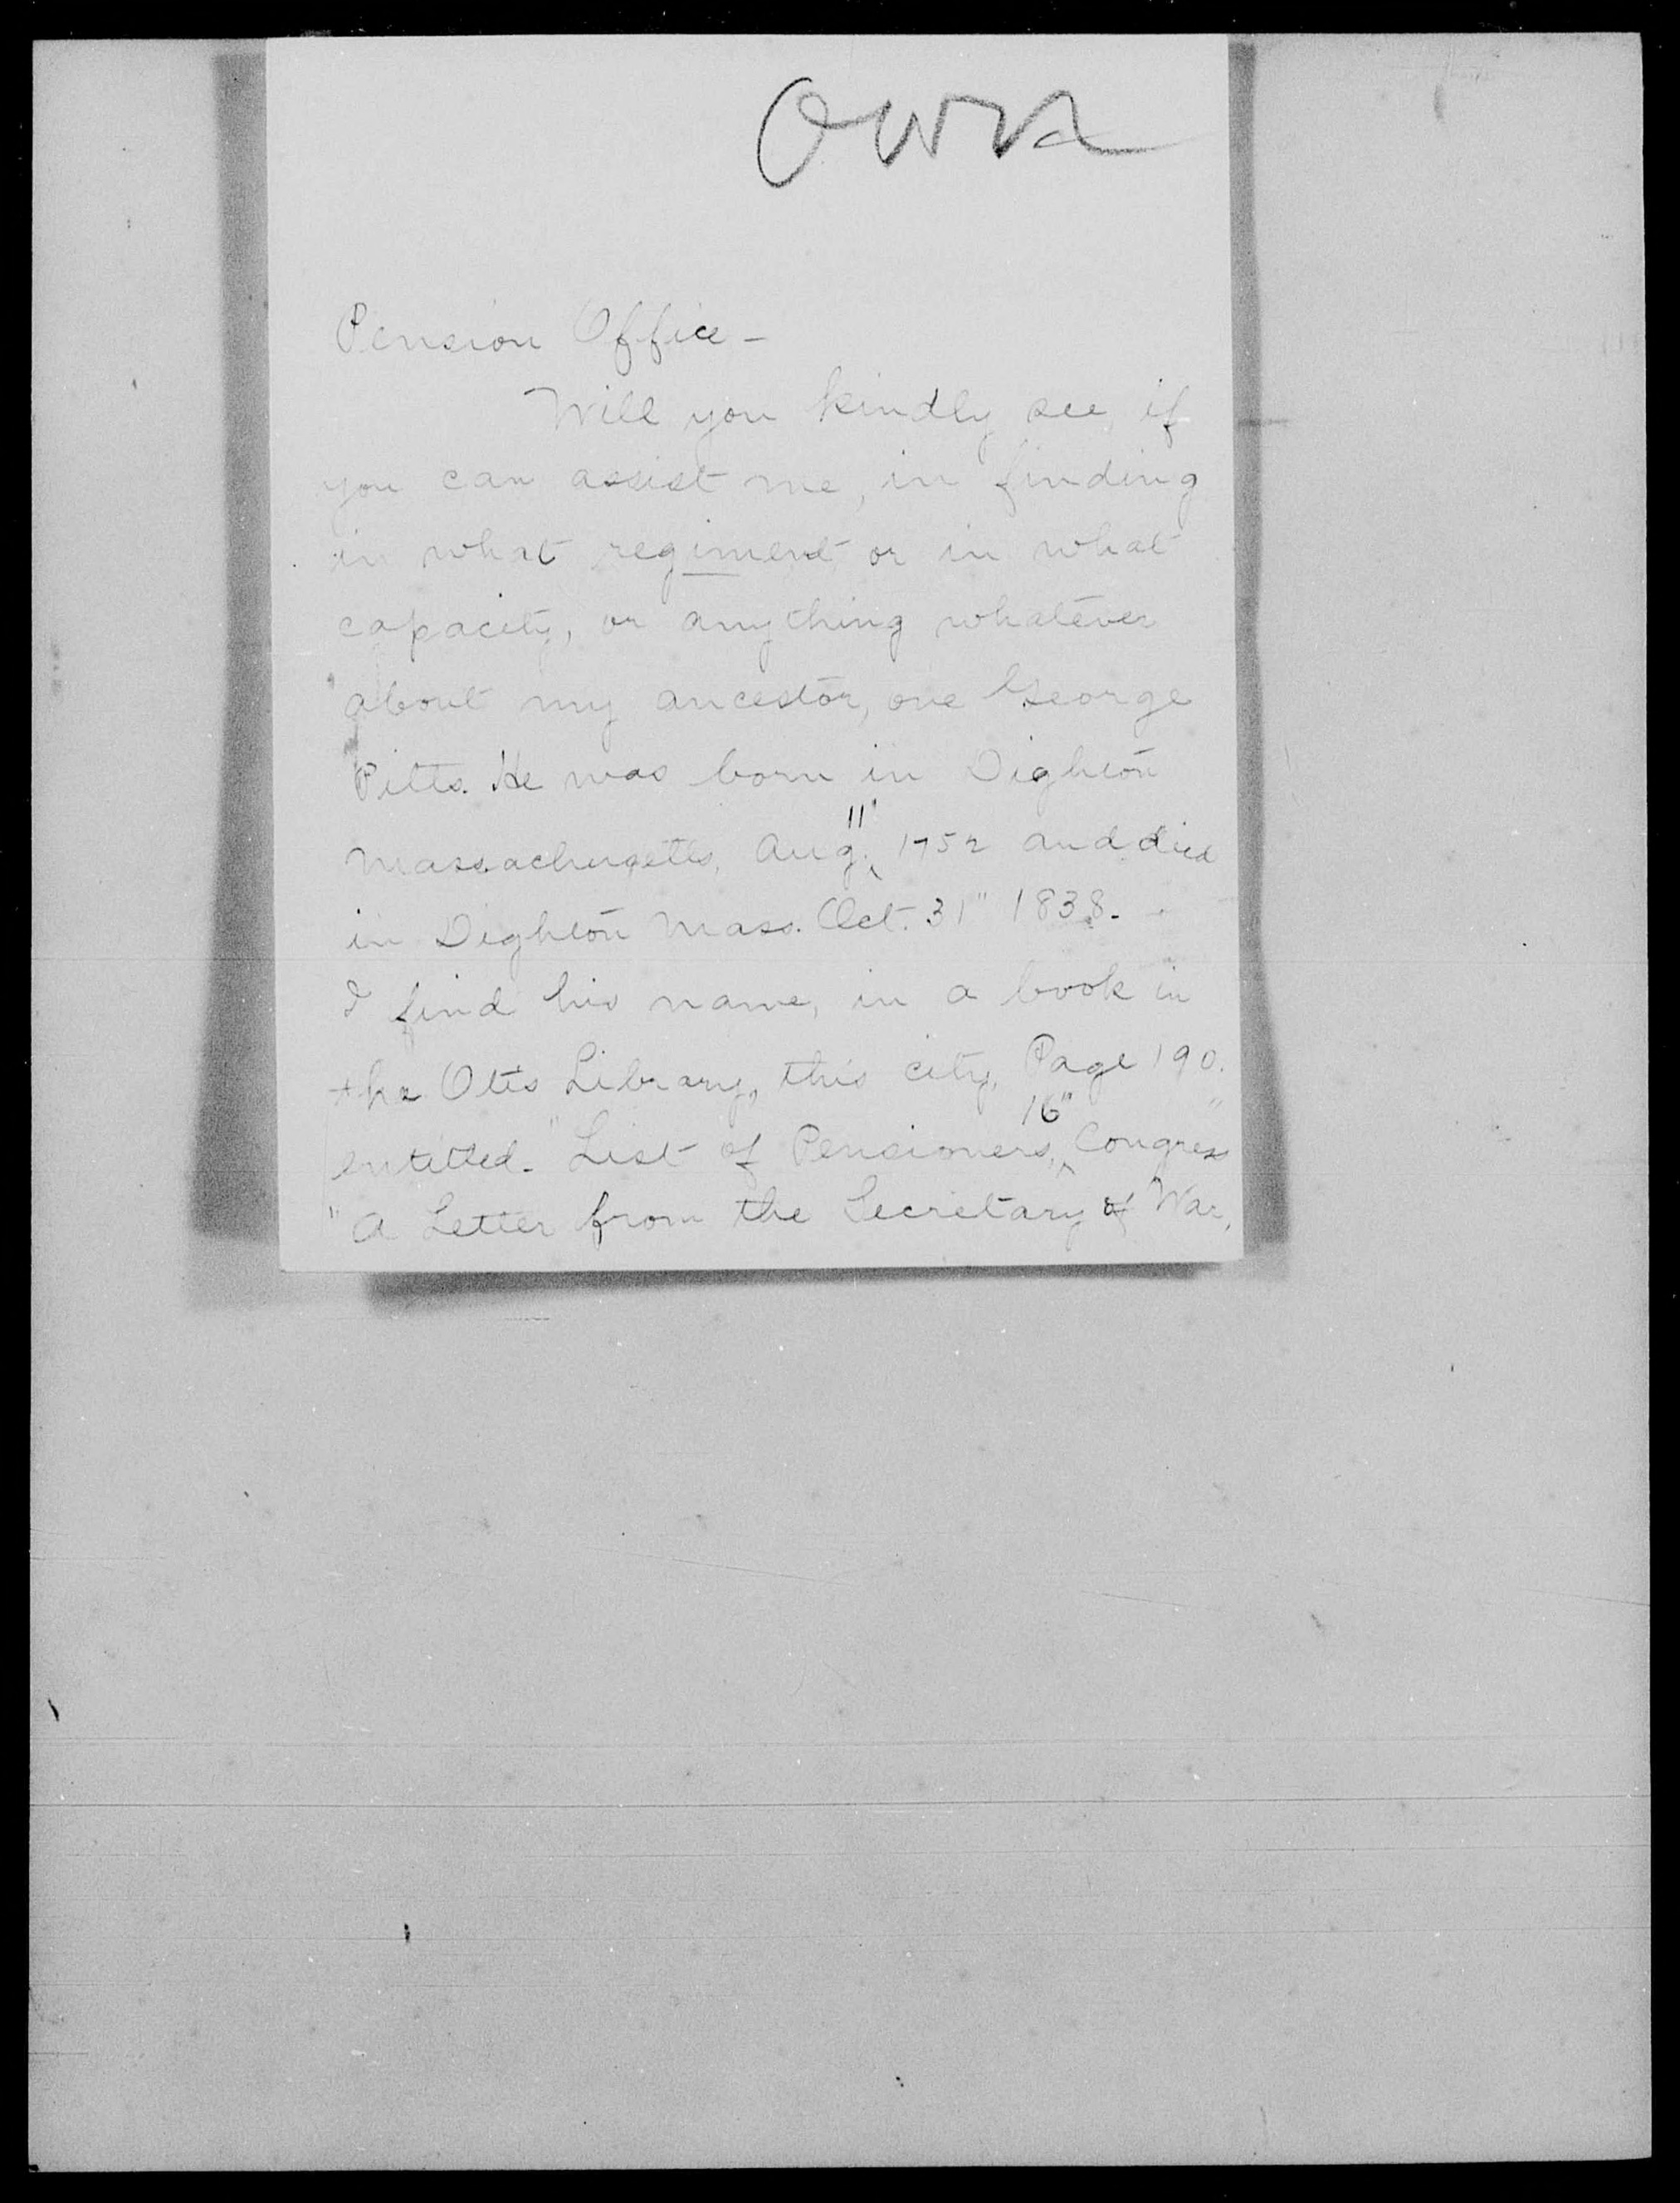Pension Office-
Will you kindly see if
you can assist me in finding
in what regiment or in what
capacity, or anything whatever
about my ancestor, one George
Pitts. He was born in Dighton
Massachusetts, Aug 11 1752 and died
in Dighton Mass. Oct. 31" 1838.
I find his name, in a book in
the Otis Library, this city, Page 190
entitled. List of Pensioners, Congress
a Letter from the Secretary of War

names: George Pitts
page: 36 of 54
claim: widow's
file: W. 26,897, for George Pitts, Massachusetts